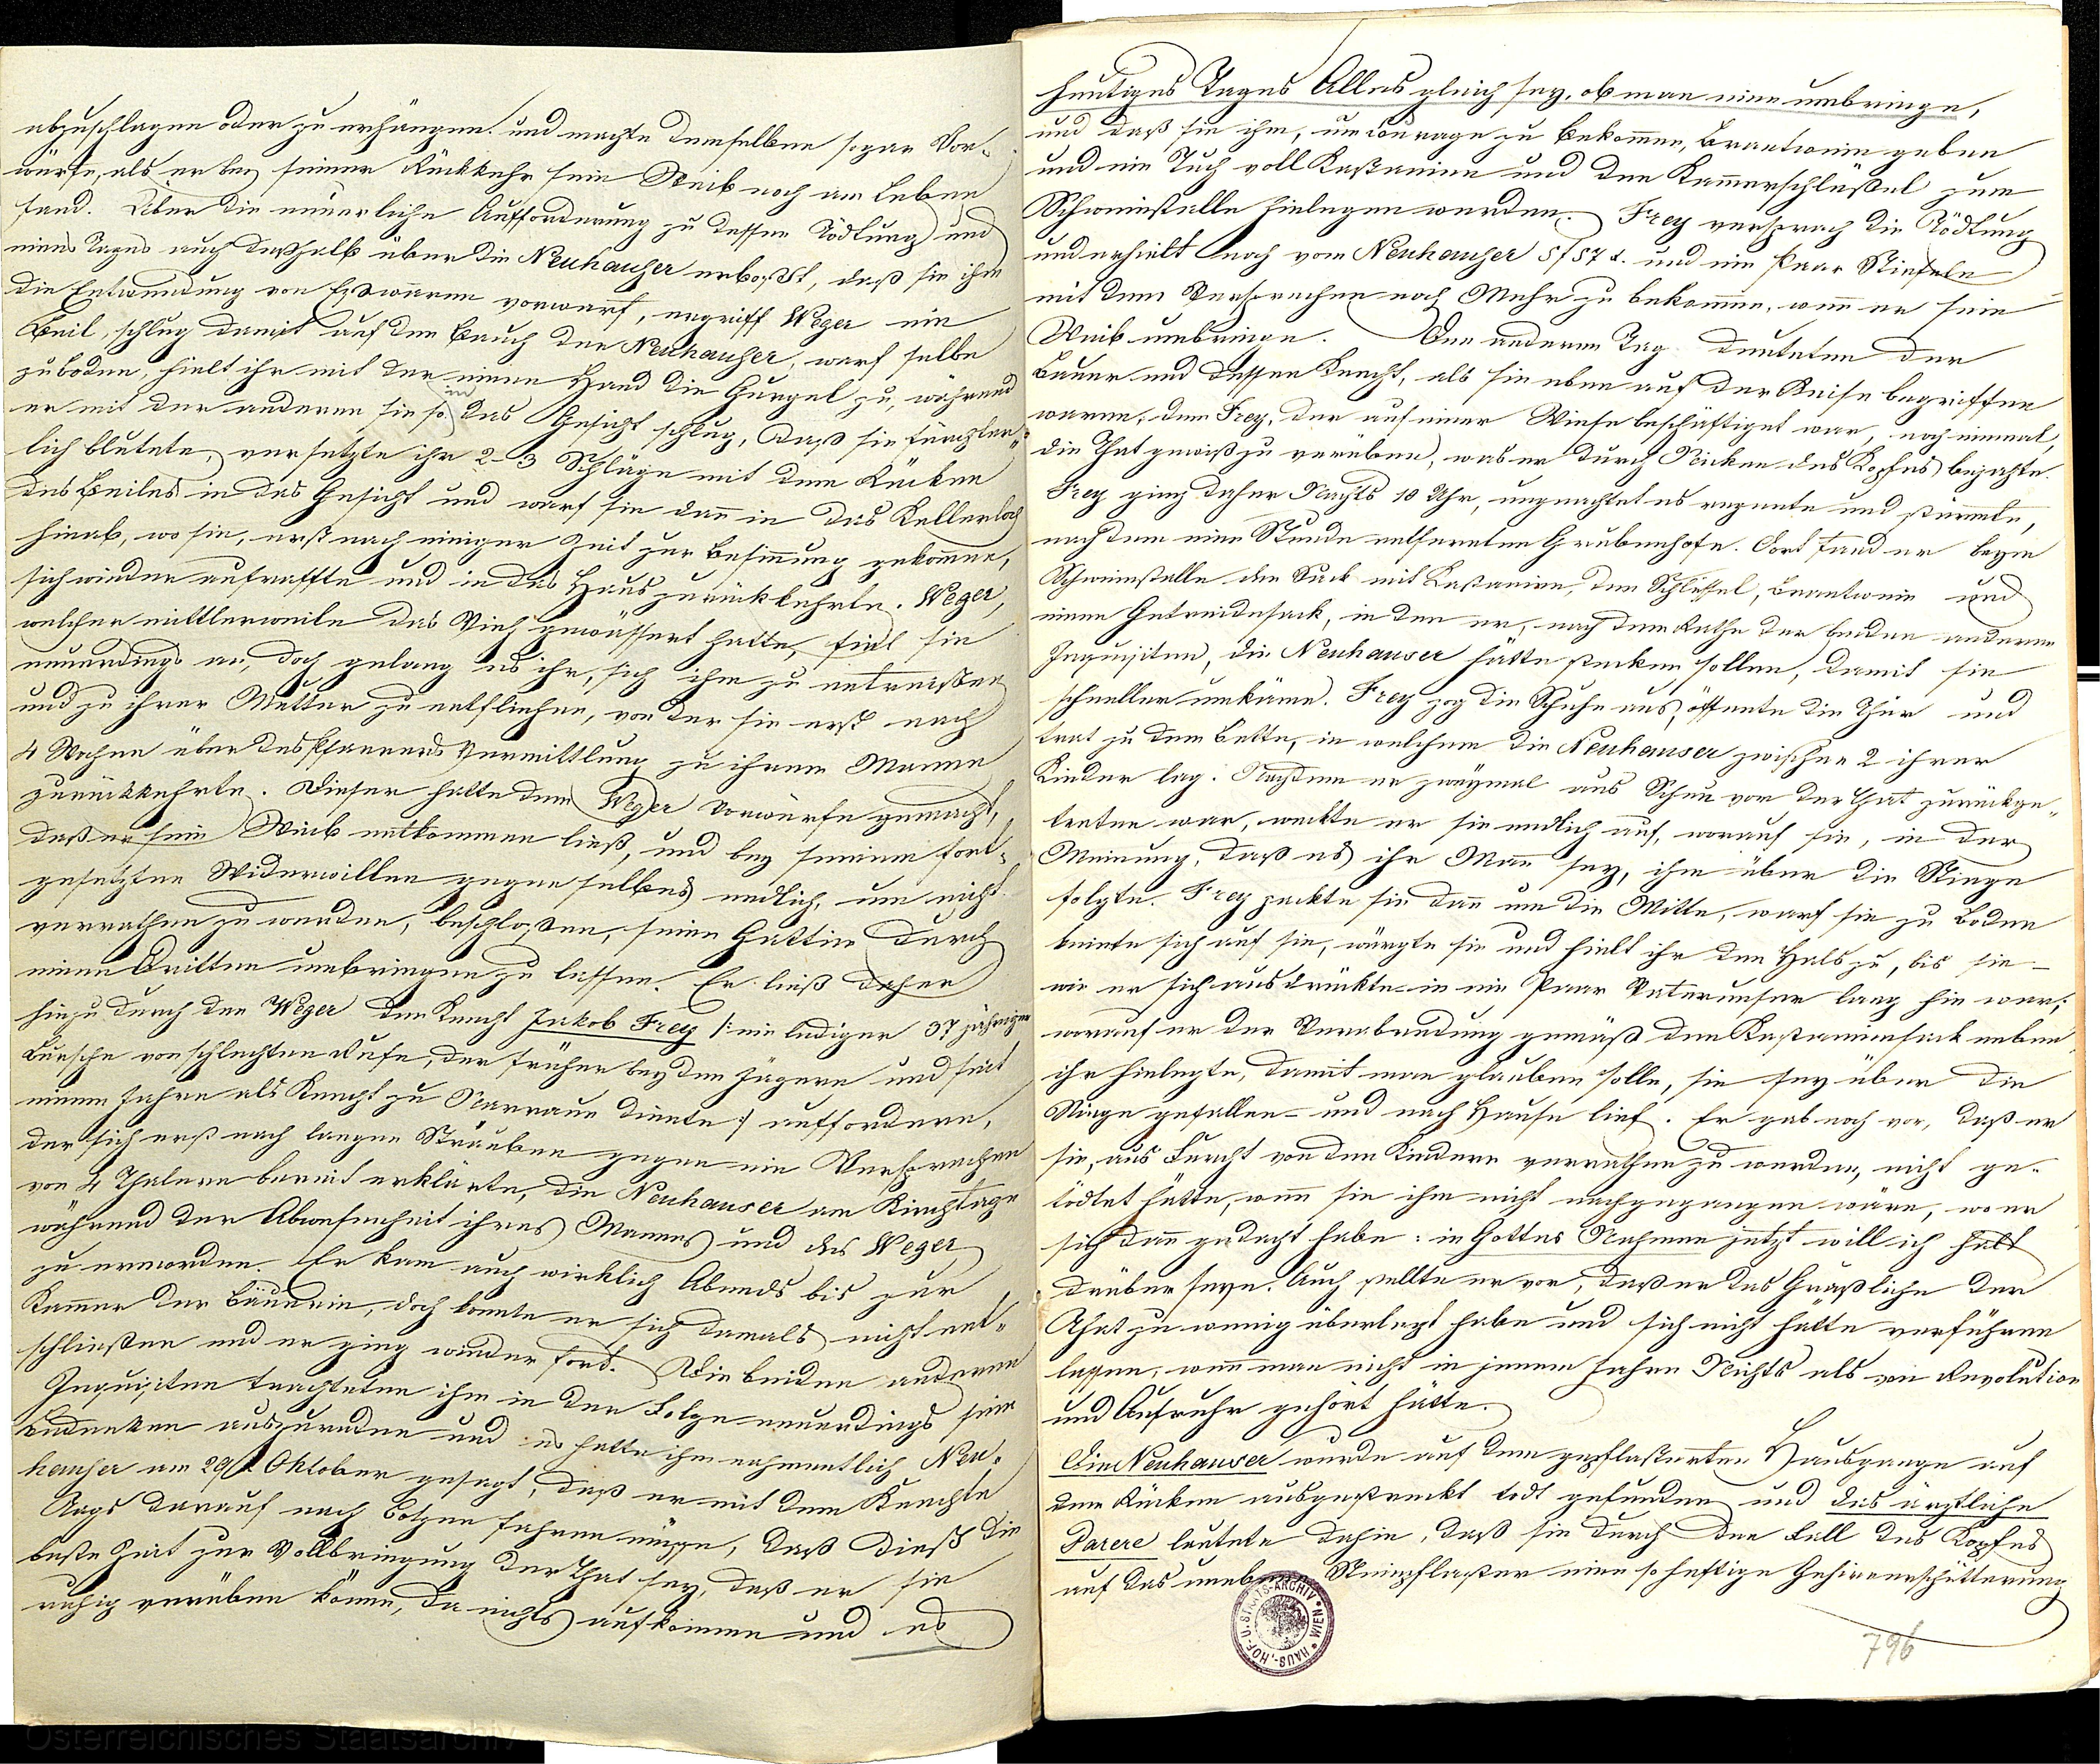abzuschlagen oder zu erhängen und machte demselben sogar Vor¬
würfe, als er bey seiner Rückkehr sein Weib noch am Leben
fand. Über die neuerliche Aufforderung zu dessen Tödtung und
eines Tages auch deßhalb über die Neuhauser erboßt, daß sie ihm
die Entwendung von Eydwaren vorwarf, ergriff Weger ein
Beil, schlug damit auf dem Bauch der Neuhauser, warf selbe
zu Boden, hielt ihr mit der einen Hand die Gurgel zu, während
er mit der anderen sie so in das Gesicht schlug, daß sie fürchter¬
lich blutete, versetzte ihr 2-3 Schläge mit dem Rücken
des Beiles in das Gesicht und warf sie dann in das Kellerloch
hinab, wo sie, erst nach einiger Zeit zur Besinnung gekommen,
sich wieder aufraffte und in das Haus zurückkehrte. Weger,
welcher mittlerweile das Vieh gewässert hatte, fiel sie
neuerdings an, doch gelang es ihr, sich ihm zu entreißen
und zu ihrer Mutter zu entfliehen, von der sie erst nach
4 Wochen über das Pfarrers Vermittlung zu ihrem Manne
zurückkehrte. Dieser hatte dem Weger Vorwürfe gemacht,
daß er sein Weib entkommen ließ, und bey seinem fort¬
gesetzten Widerwillen gegen selbes endlich, um nicht
verrahten zu werden, beschloßen, seine Gattin durch
eine Dritten umbringen zu lassen. Er ließ daher
hinzu durch den Weger den Knecht Jakob Frey (ein lediger, 37jähriger
Bursche von schlechten Rufe, der früher bey dem Jägern und seit
einem Jahre als Knecht zu Narraue diente) auffordern,
der sich erst nach langen Sträuben gegen ein Versprechen
von 4 Thalern bereit erklärte, die Neuhauser am Kirchtage
während der Abwesenheit ihres Mannes und des Weger
zu ermorden. Er kam auch wirklich Abends bis zur
Kammer der Bäuerin, doch konnte er sich damals nicht ent¬
schließen und er ging wieder fort. Die beiden anderen
Inquisiten trachteten ihm in der Folge neuerdings sein
Bedenken auszureden und es hatte ihm nahmentlich Neu¬
hauser a 29 Oktober gesagt, daß er mit dem Knechte
Tags darauf auch Cotzen fahren müsse, daß dieß die
beste Zeit zur Vollbringung der That sey, daß er sie
ruhig verüben könne, da nichts aufkommen und es
heutiges Tages Alles gleich sey, ob man eine umbringe,
und daß sie ihm, um Courage zu bekommen, Brantwein geben
und ein Tuch voll Kastanien und den Kammerschlüßel zum
Schweinstalle hinlegen werden. Frey versprach die Tödtung
und erhielt noch vom Neuhauser 5f 57x und ein Paar Stiefeln
mit dem Versprechen noch Mehr zu bekommen, wenn er sein
Weib umbringe. Den anderen Tag deuteten der
Bauer und dessen Knecht, als sie eben auf der Reise begriffen
waren, dem Frey, der auf einer Wiese beschäftiget war, noch einmal
die That gewiß zu verüben, was er durch Nicken des Kopfes bejahte.
Frey ging daher Nachts 10 Uhr, ungeachtet es regnete und stürmte,
nach dem eine Stunde entfernter Grubenhofe. Dort fand er beym
Schweinstalle die Sack mit Kastanien, den Schlüssel, Brantwein und
eine Getreidesack, in den er, nach dem Rathe der beiden anderen
Inquisiten, die Neuhauser hätte stecken sollen, damit sie
schneller umkäme. Frey zog die Schuhe aus, öffnete die Thür und
trat zu dem Bette, in welchem die Neuhauser zwischen 2 ihrer
Kinder lag. Nachdem er zweymal aus Scheu vor der That zurückge¬
treten war, weckte er sie endlich auf, worauf sie, in der
Meinung, daß es ihr Mann sey, ihm über die Stiege
folgte. Frey packte sie dann um die Mitte, warf sie zu Boden
kniete sich auf sie, würgte sie und hielt ihr den Hals zu, bis sie –
wie er sich ausdrückte – in ein Paar Vaterunser lang hin war;
worauf er der Verabredung gemäß dem Kastaniensack neben
ihr hinlegte, damit man glauben solle, sie sey über die
Stiege gefallen – und nach Hause lief. Er gab noch vor, daß er
sie, aus Furcht von den Kindern verrathen zu werden nicht ge¬
tödtet hätte, wenn sie ihm nicht nachgegangen wäre, wo er
sich dann gedacht habe: in Gottes Nahmen jetzt will ich halt
drüber seyn. Auch stellte er vor, daß er das Gräßliche der
That zu wenig überlegt habe und sich nicht hätte verführen
lassen, wenn man nicht in jenen Jahre Nichts als von Revolution
und Aufruhr gehört hätte.
Die Neuhauser wurde auf dem gepflasterten Hausgange auf
dem Rücken ausgestreckt todt gefunden und das ärztliche
Parere lautete dahin, daß sie durch den Fall des Kopfes
auf das unebene Steinpflaster eine so heftige Gehirnerschütterung
796